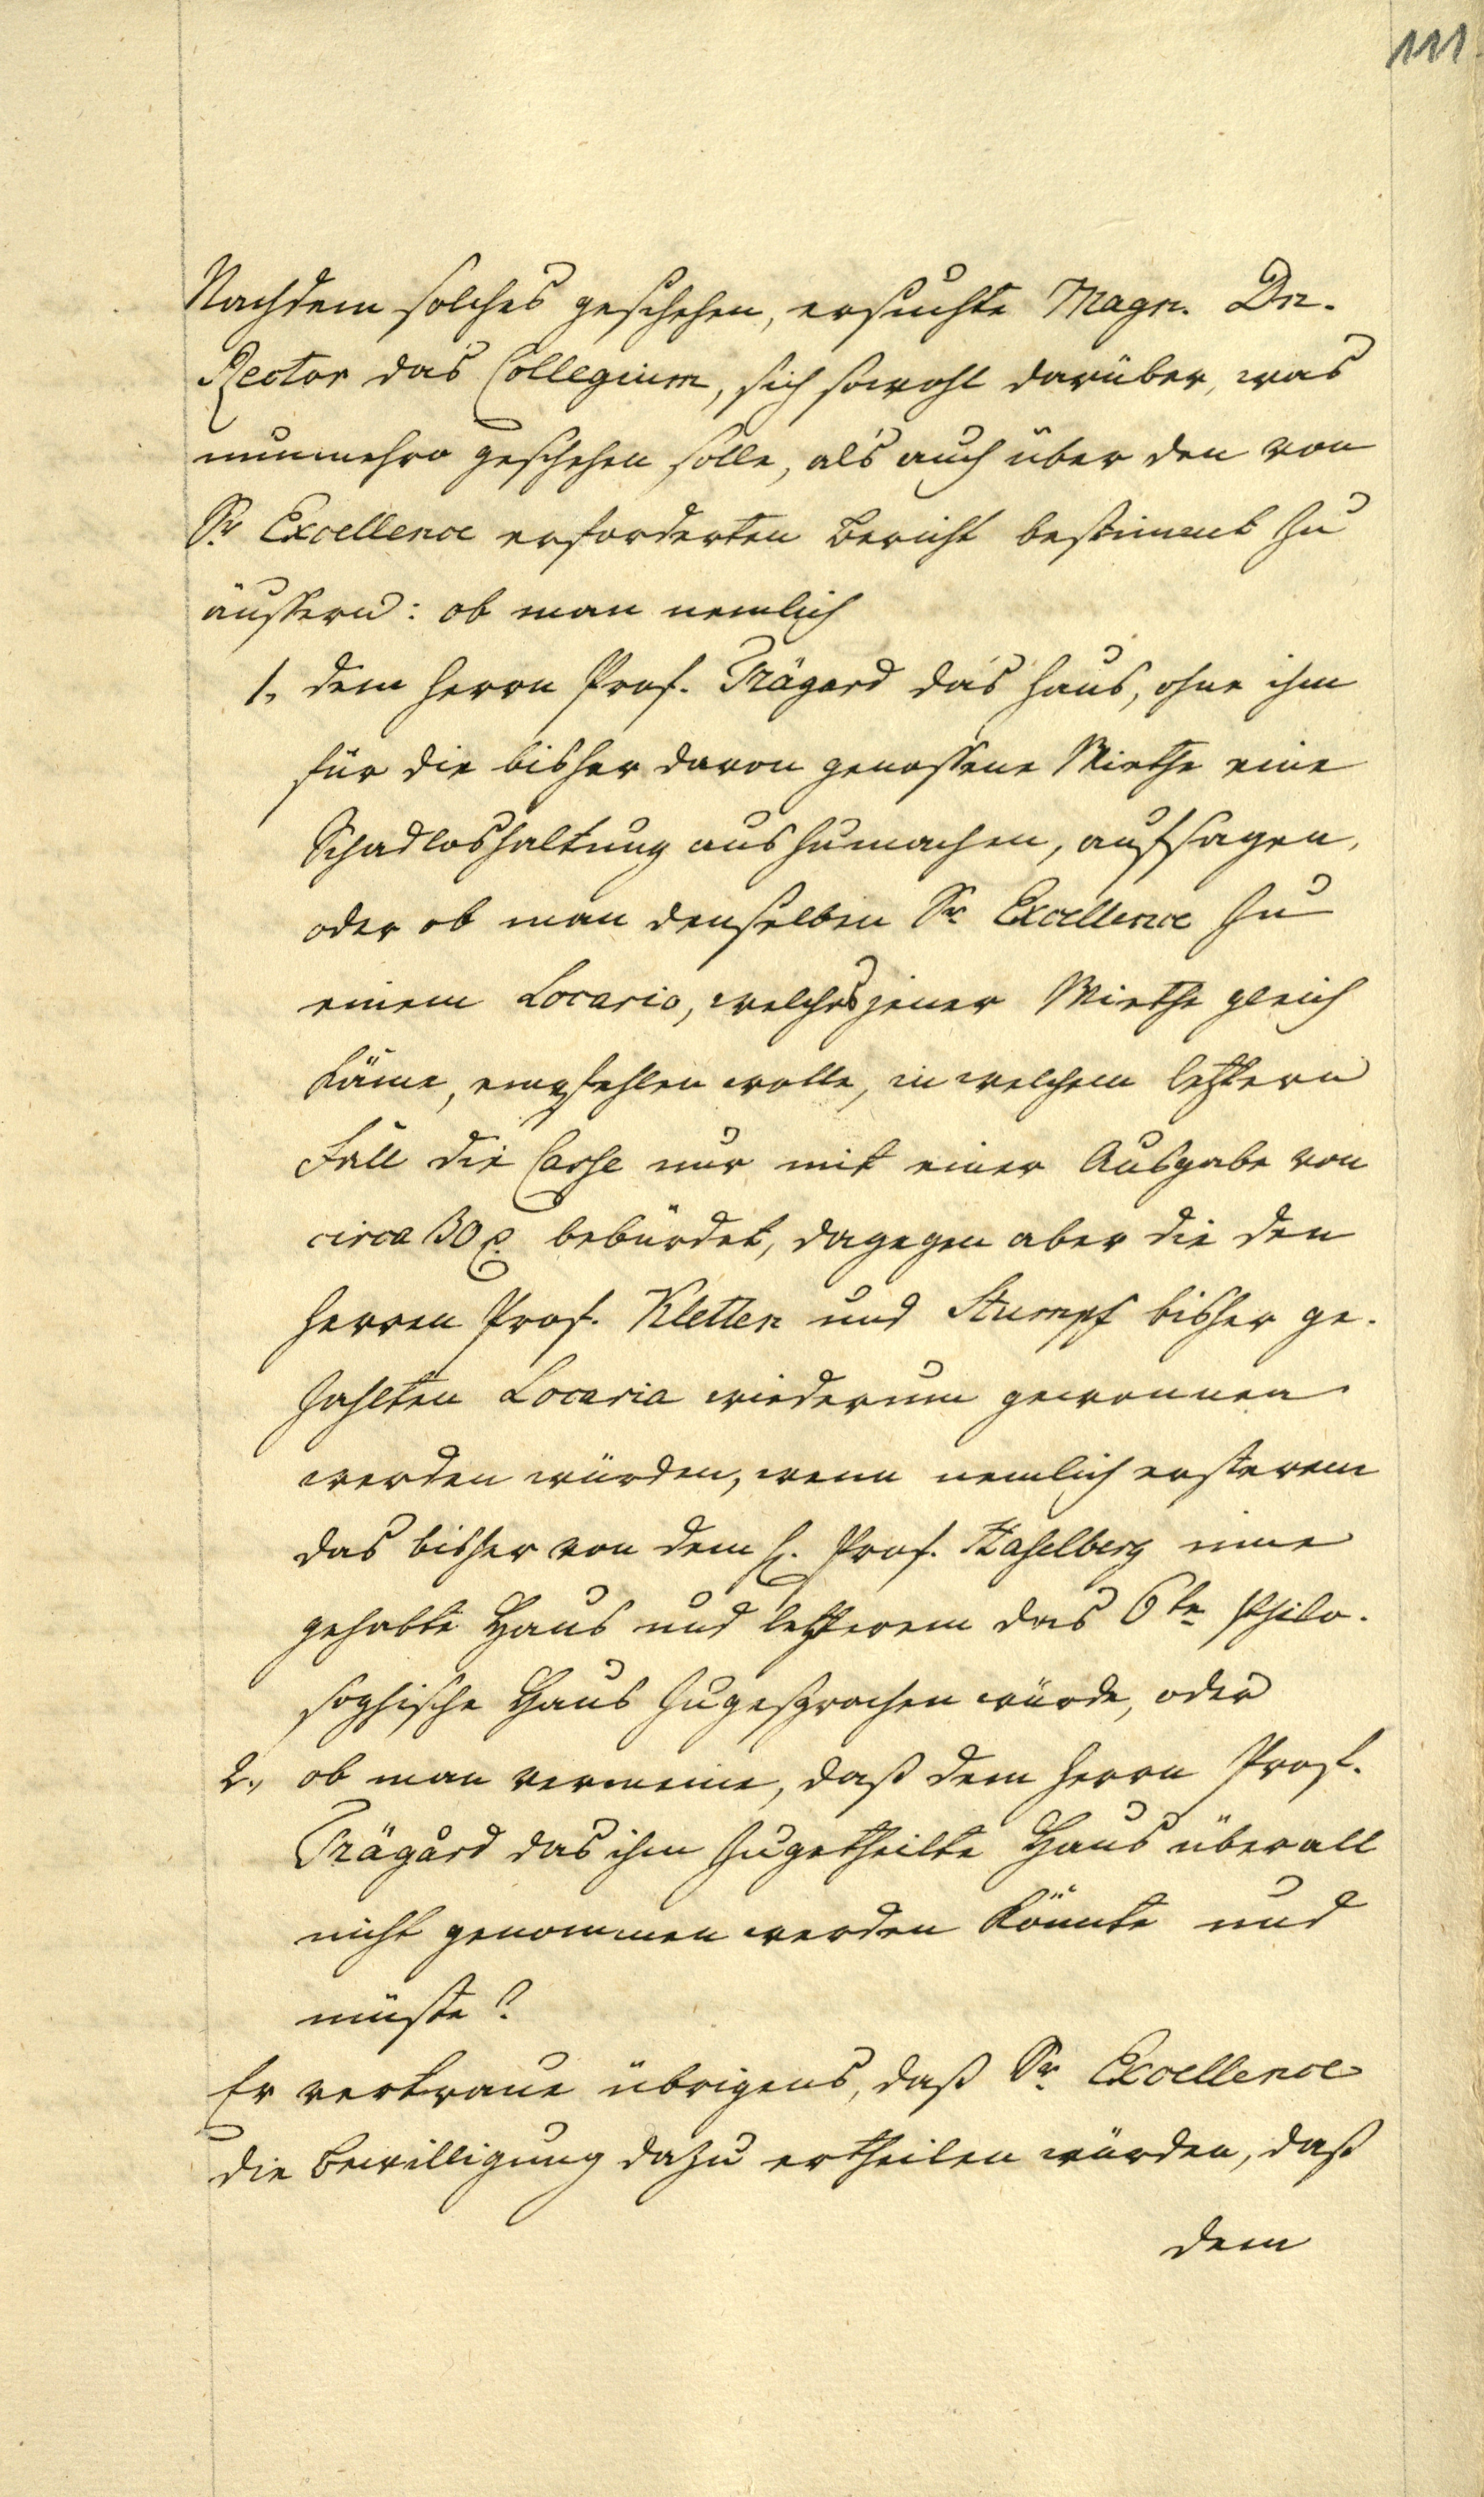Nachdem solches geschehen, ersuchte Magn. Dn.
Rector das Collegium, sich sowohl darüber, was
nunmehro geschehen solle, als auch über den von
Sr Excellence erforderten Bericht bestimmt zu
äussern: ob man nemlich
1. dem Herrn Prof. Trägård das Haus, ohne ihm
für die bisher davon genossene Miethe eine
Schadloshaltung aus zumachen, aufsagen,
oder ob man denselben Sr Excellence zu
einem Locario, welches jener Miethe gleich
käme, empfehlen wolle, in welchem letztern
Fall die Casse nur mit einer Ausgabe von
circa 30 l. bebürdet, dagegen aber die den
Herren Prof. Kletten und Stumpf bisher ge¬
zahlten Locaria wiederum gewonnen
werden würden, wenn nemlich ersterem
das bisher von dem H. Prof. Haselberg eine
gehabte Haus und letzterem das 6 te Philo¬
sophische Haus zugesprochen würde, oder
2., ob man vermeine, daß dem Herrn Prof.
Trägård das ihm zugetheilte Haus überall
nicht genommen werden könnte und
müßte?
Er vertraue übrigens, daß Sr Excellence
die Bewilligung dazu ertheilen würden, daß
dem